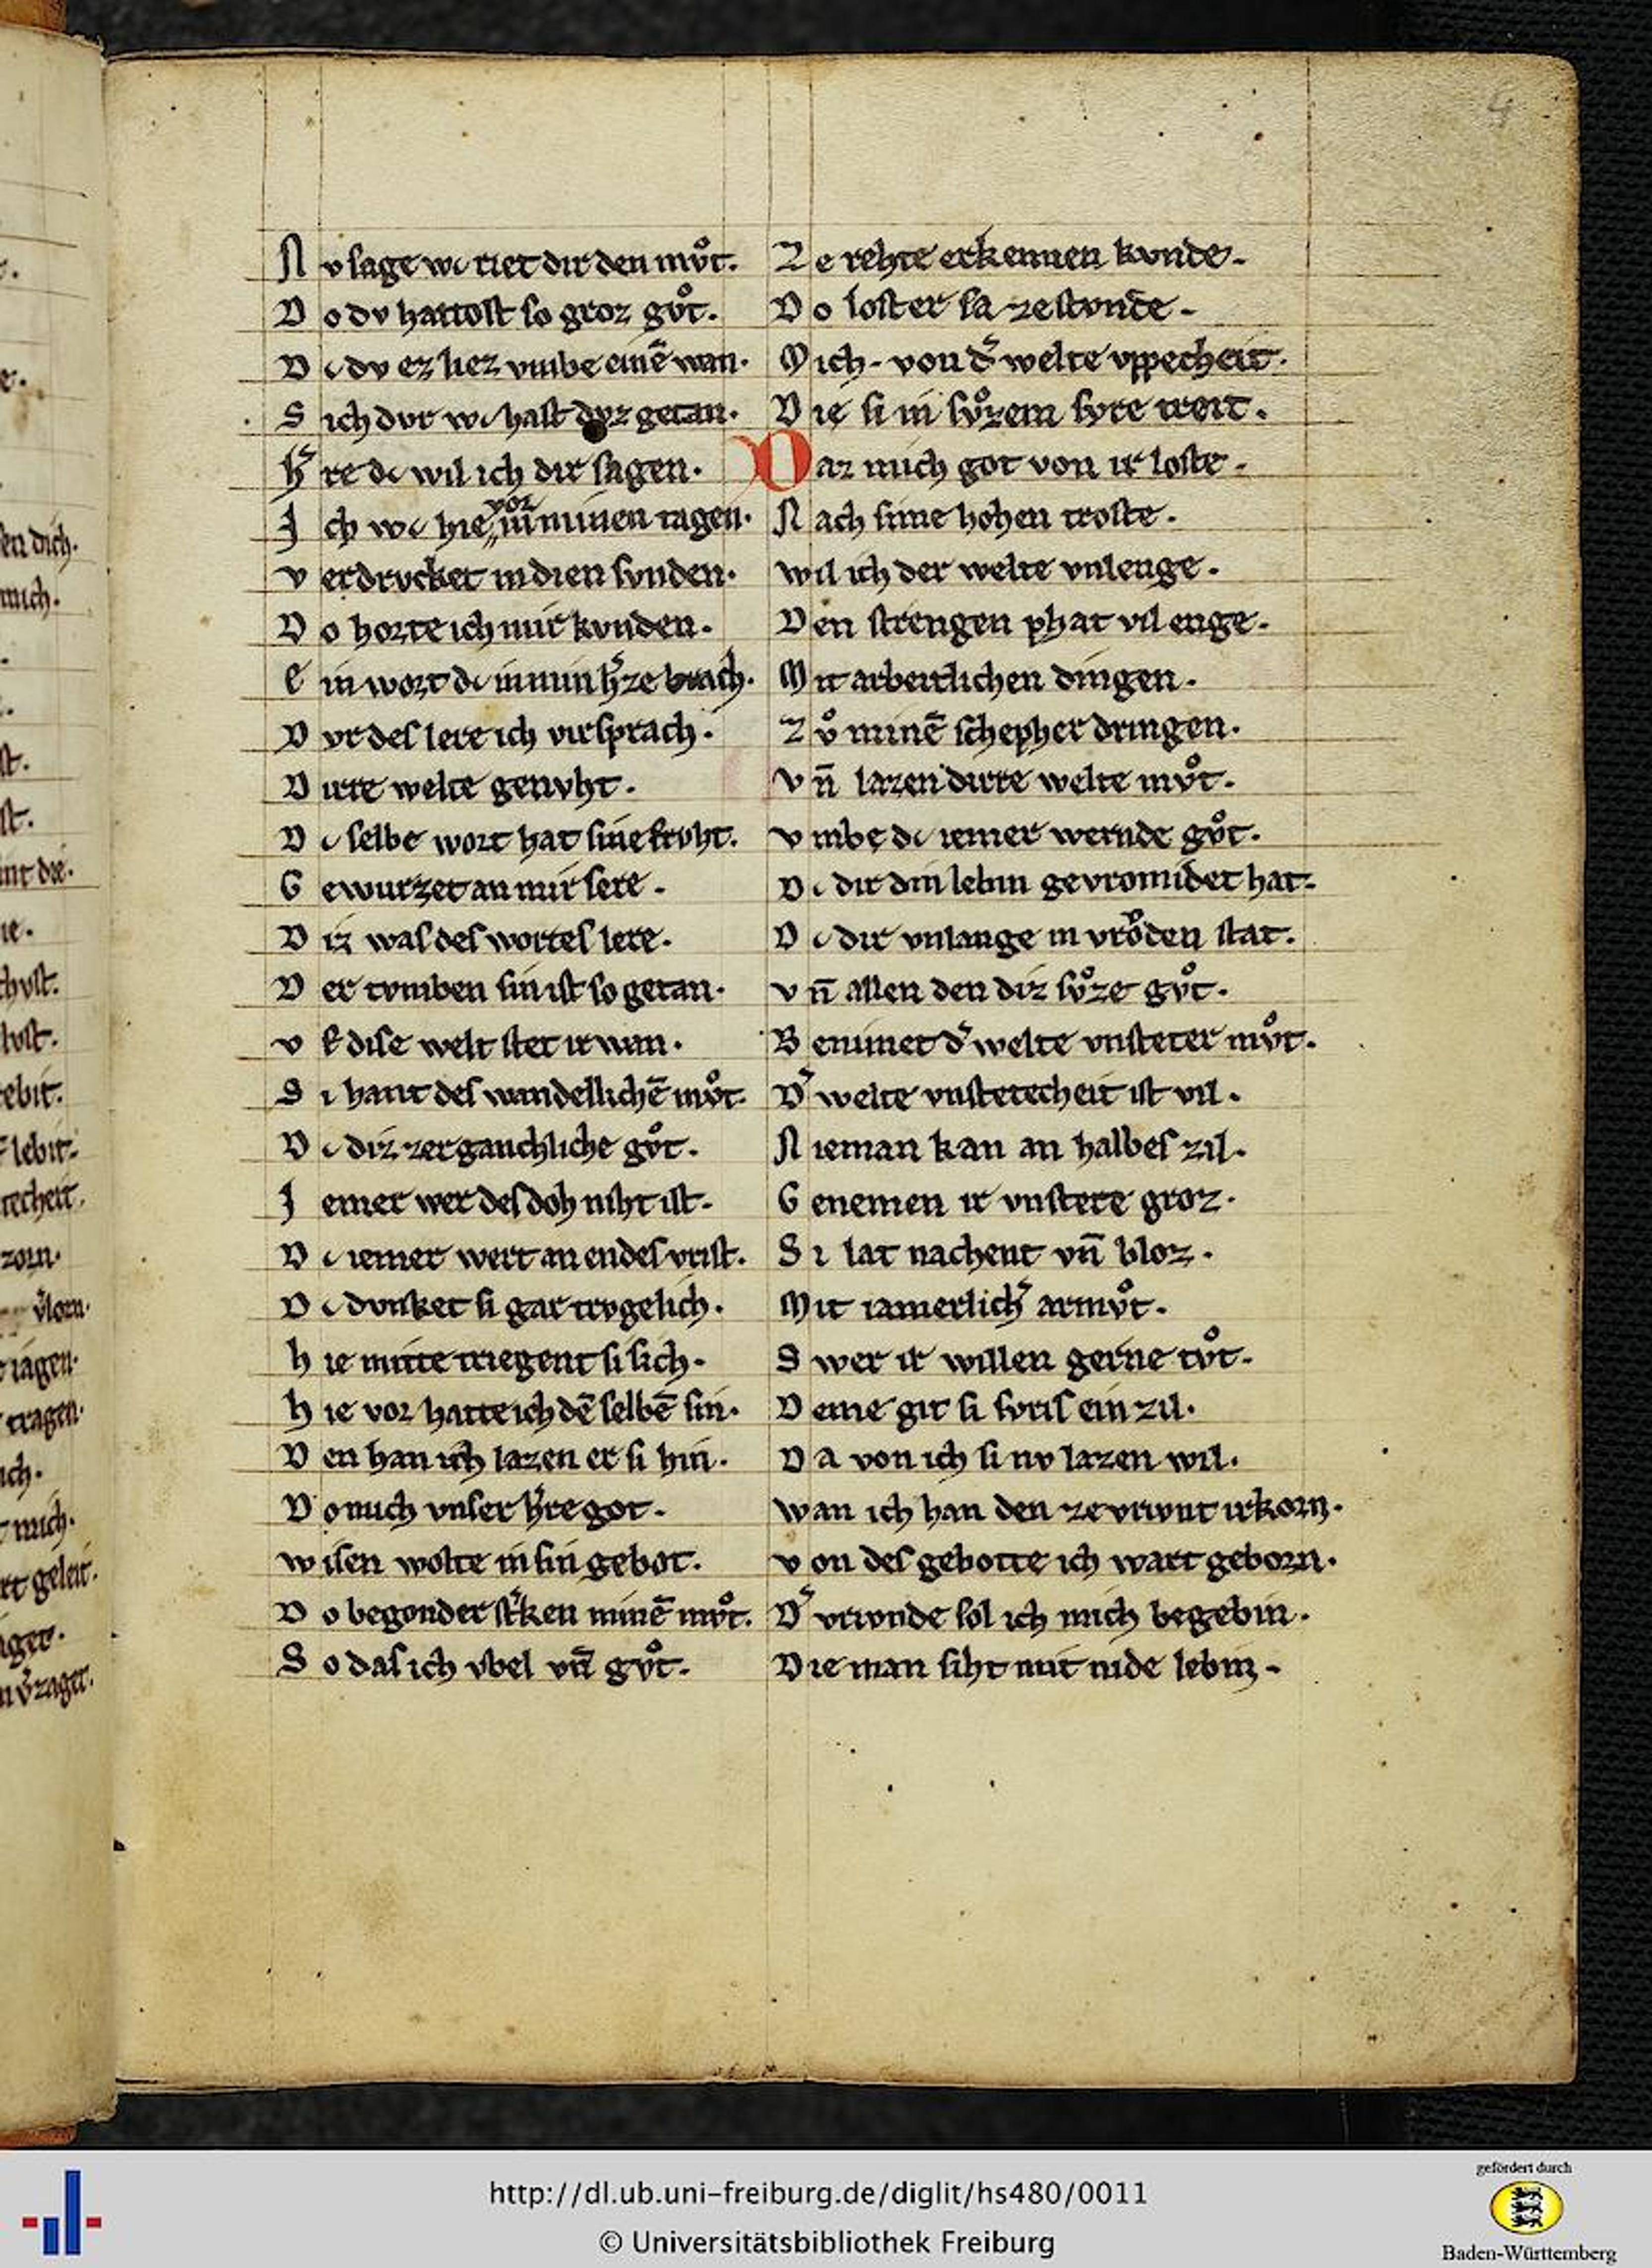Nv ſage w(az) riet dir den mv°ot.
Do dv hattoſt ſo groz gv°ot.
D(az) dv ez liez vmbe eine(n) wan.
Sich dvr w(az) haſt dvz getan.
H(er)re d(az) wil ich dir ſagen.
Ich w(az) hie °(vor) in minen tagen.
Verdrvcket in dien ſvnden.
Do horte ich mir kvnden.
Ein wort d(az) in min h(er)ze brach.
Dvr deſ lere ich virſprach.
Dirre welte genvht.
D(az) ſelbe wort hat ſine frvht.
Gewurzet an mir ſere.
Diz waſ deſ worteſ lere.
Der tvmben ſin iſt ſo getan.
Vf diſe welt ſtet ir wan.
Si hant deſ wandelliche(n) mv°ot.
D(az) diz zerganchliche gv°ot.
Iemer wer deſ doh niht iſt.
D(az) iemer wert an endeſ vriſt.
D(az) dvnket ſi gar trvgelich.
Hie mitte triegent ſi ſich.
Hie vor hatte ich de(n) ſelbe(n) ſin.
Den han ich lazen er ſi hin.
Do mich vnſer h(er)re got.
Wiſen wolte in ſin gebot.
Do begonder ſt(er)ken mine(n) mv°ot.
So daſ ich vbel vn(d) gv°ot.
Ze rehte erkennen kvnde.
Do loſter ſa zeſtvnde.
Mich. von d(er) welte vppecheit.
Die ſi in ſv°ozem ſvre treit.
*Daz mich got von ir loſte.
Nach ſime hohen troſte.
Wil ich der welte vnlenge.
Den ſtrengen phat vil enge.
Mit arbeitlichen dingen.
Zv°o mine(m) ſchepher dringen.
Vn(d) lazen dirre welte mv°ot.
Vmbe d(az) iemer wernde gv°ot.
D(az) dir din lebin gevromidet hat.
D(az) dir vnlange in vro°vden ſtat.
Vn(d) allen den diz ſv°oze gv°ot.
Benimet d(er) welte vnſteter mv°ot.
D(er) welte vnſtetecheit iſt vil.
Nieman kan an halbeſ zil.
Genemen ir vnſtete groz.
Si lat nachent vn(d) bloz.
Mit iamerlich(er) armv°ot.
Swer ir willen gerne tv°ot.
Deme git ſi ſvriſ ein zil.
Da von ich ſi nv lazen wil.
Wan ich han den ze vrivnt irkorn.
Von deſ gebotte ich wart geborn.
D(er) vrivnde ſol ich mich begebin.
Die man ſiht mit nide lebin.